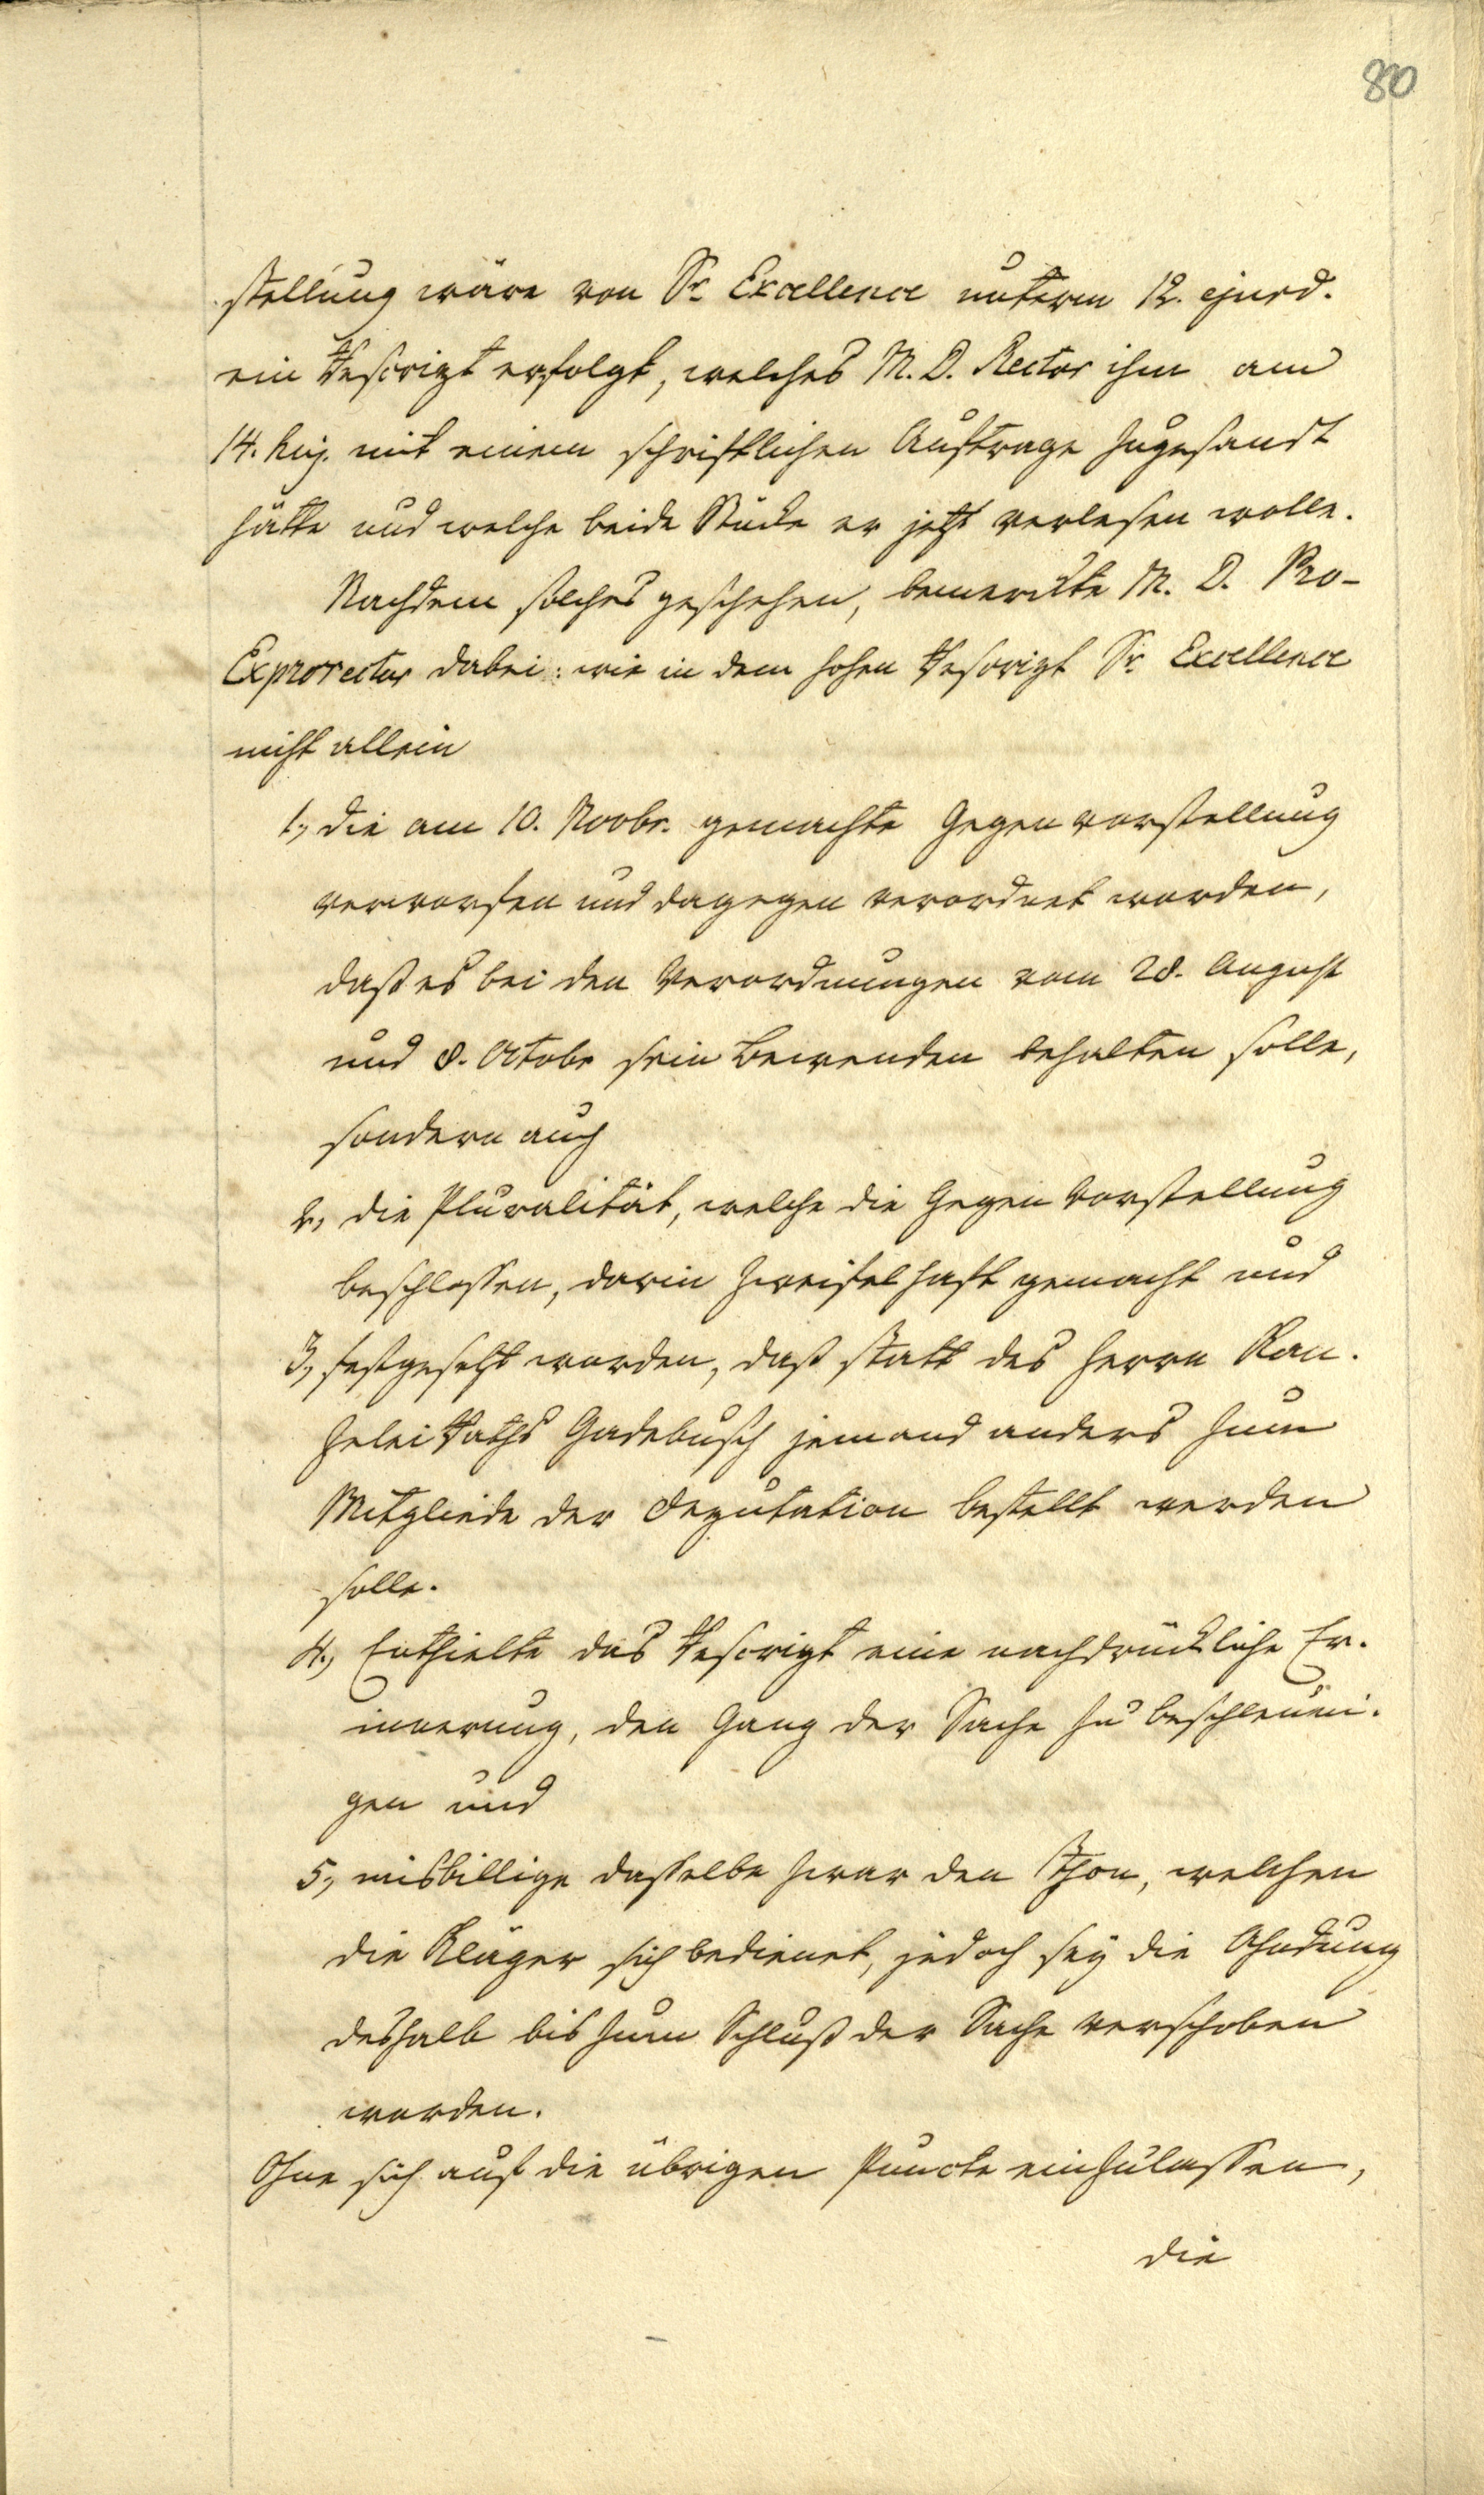stellung wäre von Sr Excellence unterm 12. ejusd.
ein Rescript erfolgt, welches M. D. Rector ihm am
14. huj. mit einem schriftlichen Auftrage zugesandt
hätte und welche beide Stücke er jetzt verlesen wolle.
Nachdem solches geschehen, bemerckte M. D. Pro¬
Exprorector dabei: wie in dem hohen Rescript Sr Excellence
nicht allein
1., die am 10. Novbr. gemachte Gegen vorstellung
verworfen und dagegen verordnet worden,
daß es bei den Verordnungen vom 28. August
und 8. Octobr sein Bewenden behalten solle,
sondern auch
2., die Pluralität, welche die Gegen Vorstellung
beschlossen, darin zweifel haft gemacht und
3., festgesetzt worden, daß statt des Herrn Kan
zelei Raths Gadebusch jemand anders zum
Mitgliede der Deputation bestellt werden
solle.
4., Enthielte das Rescript eine nachdrückliche Er¬
innerung, den Gang der Sache zu beschleuni¬
gen und
5, misbillige dasselbe zwar den Thon, welchen
die Kläger sich bedienet, jedoch seÿ die Ahndung
deshalb bis zum Schluß der Sache verschoben
worden.
Ohne sich auf die übrigen Puncte einzulassen,
die